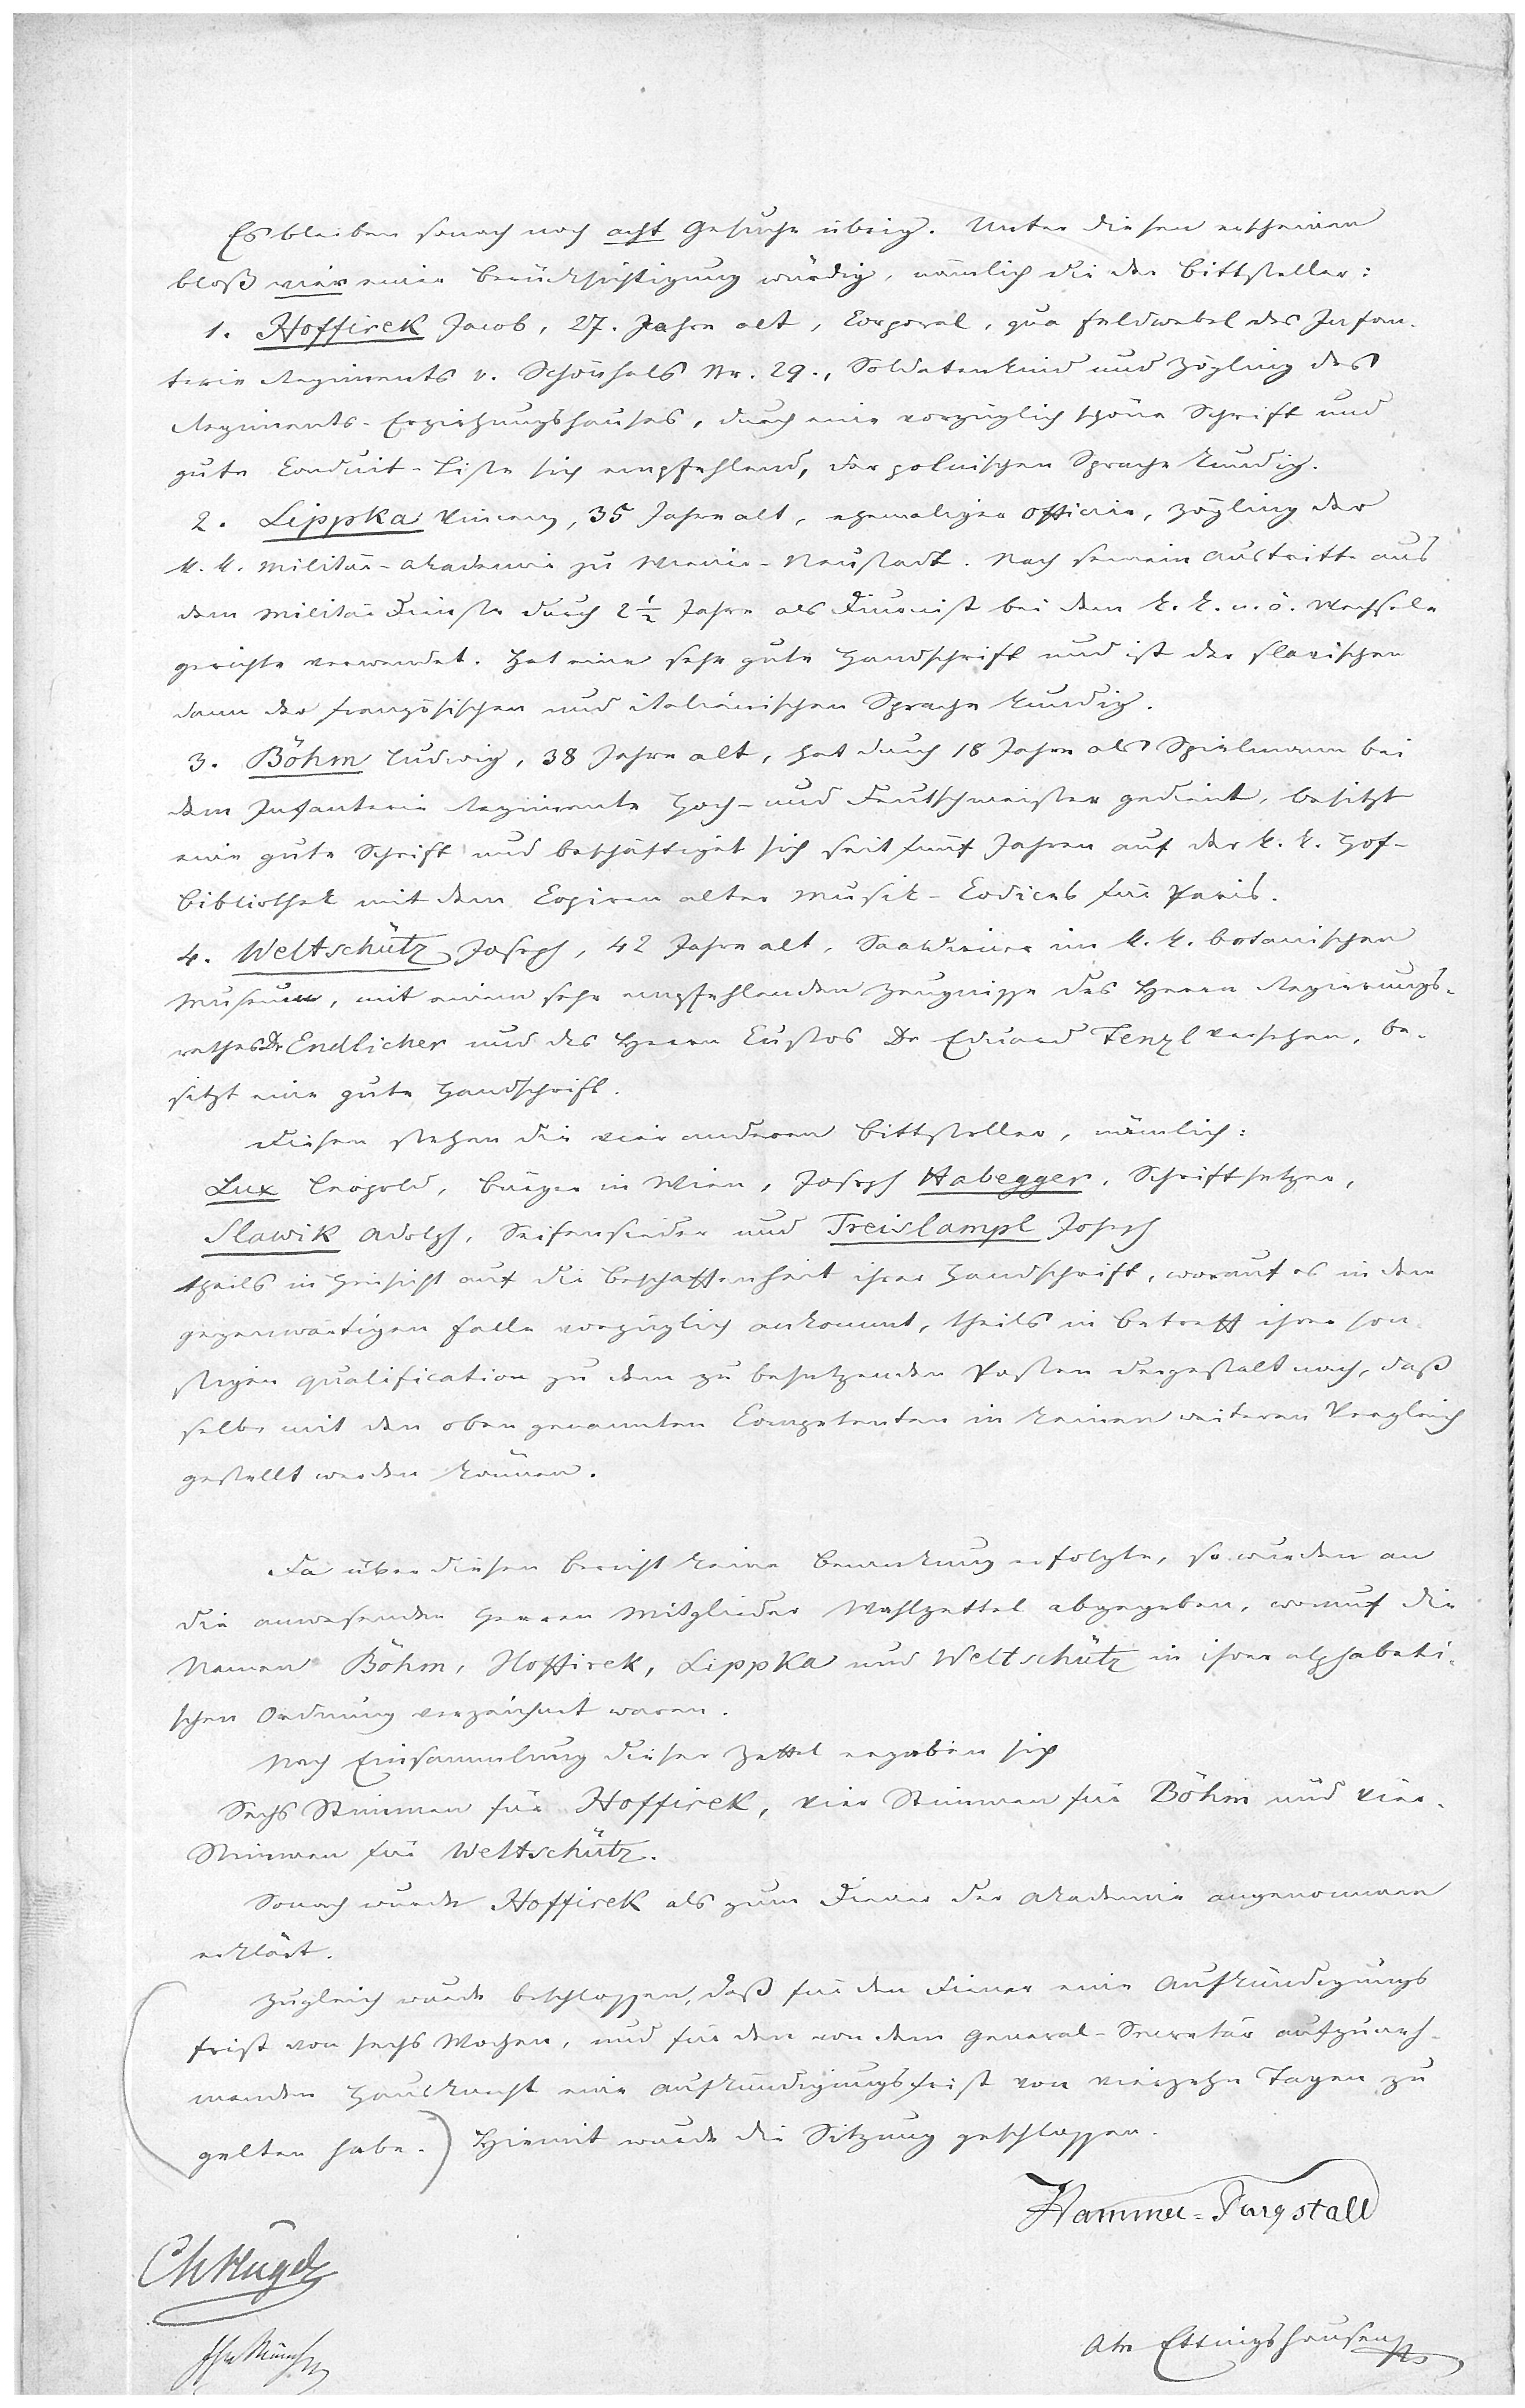Es bleiben sonach noch acht Gesucht übrig. Unter diesen erscheinen
bloß vier einer Berücksichtigung würdig, nämlich die der Bittsteller:
1. Hoffirek Jacob, 27 Jahre alt, Corporal, qua Feldwebel des Infan-
terie Regiments v. Schönfels Nr. 29., Soldatenkind und Zögling des
Regiments-Erziehungshauses, durch eine vorzüglich schöne Schrift und
gute Conduit-Liste sich empfehlend, der polnischen Sprache kundig.
2. Lippka Vincenz, 35 Jahre alt, ehemaliger Officier, Zögling der
k.k. Militärakademie zu Wiener Neustadt. Nach seinem Austritt aus
dem MilitärDienste durch 2 1/2 Jahre als Diurnist bei dem k.k. n.ö. Wechsel-
gerichte verwendet. Hat eine sehr gute Handschrift und ist der slavischen
Dann der französischen und italienischen Sprache kundig.
3. Böhm Ludwig, 38 Jahre alt, hat durch 18 Jahre als Spielmann bei
dem Infanterie Regimente Hoch- und Deutschmeister gedient, besitzt
eine gute Schrift und beschäftigt sich seit fünf Jahren auf der k.k. Hof-
bibliothek mit dem Copiren alter Musik-Codices für Paris.
4. Weltschütz Joseph, 42 Jahre alt, Saaldiener im k.k. botanischen
Museum, mit einem sehr empfehlenden Zeugnisse des Herrn Regiments-
rathes Dr. Endlicher und des Herrn Custos Dr. Eduard Fenzl versehene, be-
sitzt eine gute Handschrift.
Disen stehen die vier anderen Bittsteller, nämlich:
Lux Leopold, Bürger in Wien, Joseph Habegger, Schriftsetzer,
Slawik Adolph, Seifensieder und Treislampl Joseph
theils in Hinsicht auf die Beschaffenheit ihrer Handschrift, woraus es in dem
gegenwärtigen Fall vorzüglich ankommt, theils in Betreff ihrer son-
stigen Qualification zu dem zu besetzenden Posten dergestellt nach, daß
selbe mit den oben genannten Competanten in keinem weiteren Vergleich
gestellt werden können.
Da über diesen Bericht keine Bemerkung erfolgte, so wurden an
die anwesenden Herrn Mitglieder Wahlzettel abgegeben, worauf die
Namen Böhm, Hoffirek, Lippka und Weltschütz in ihrer alphabeti-
schen Ordnung verzeichnet waren.
Nach Einsammlung dieser Zettel ergaben sich
Sechs Stimmen für Hoffirek, vier Stimmen für Böhm und vier
Stimmen für Weltschütz.
Sonach wurde Hoffirek als zum Diener der Akademie angekommen
erklärt.
Zugleich wurde beschlossen, daß für den Diener eine Aufkündigungs-
frist von sechs Wochen, und für den von dem General-Secretär aufzuneh-
menden Hausknecht eine Aufkündigungsfrist von vierzehn Tagen zu
gelten habe. Hiemit wurde die Sitzung geschlossen.
Hammer-Purgstall
CHHügel
FhvMünch
Avn Ettingshausen